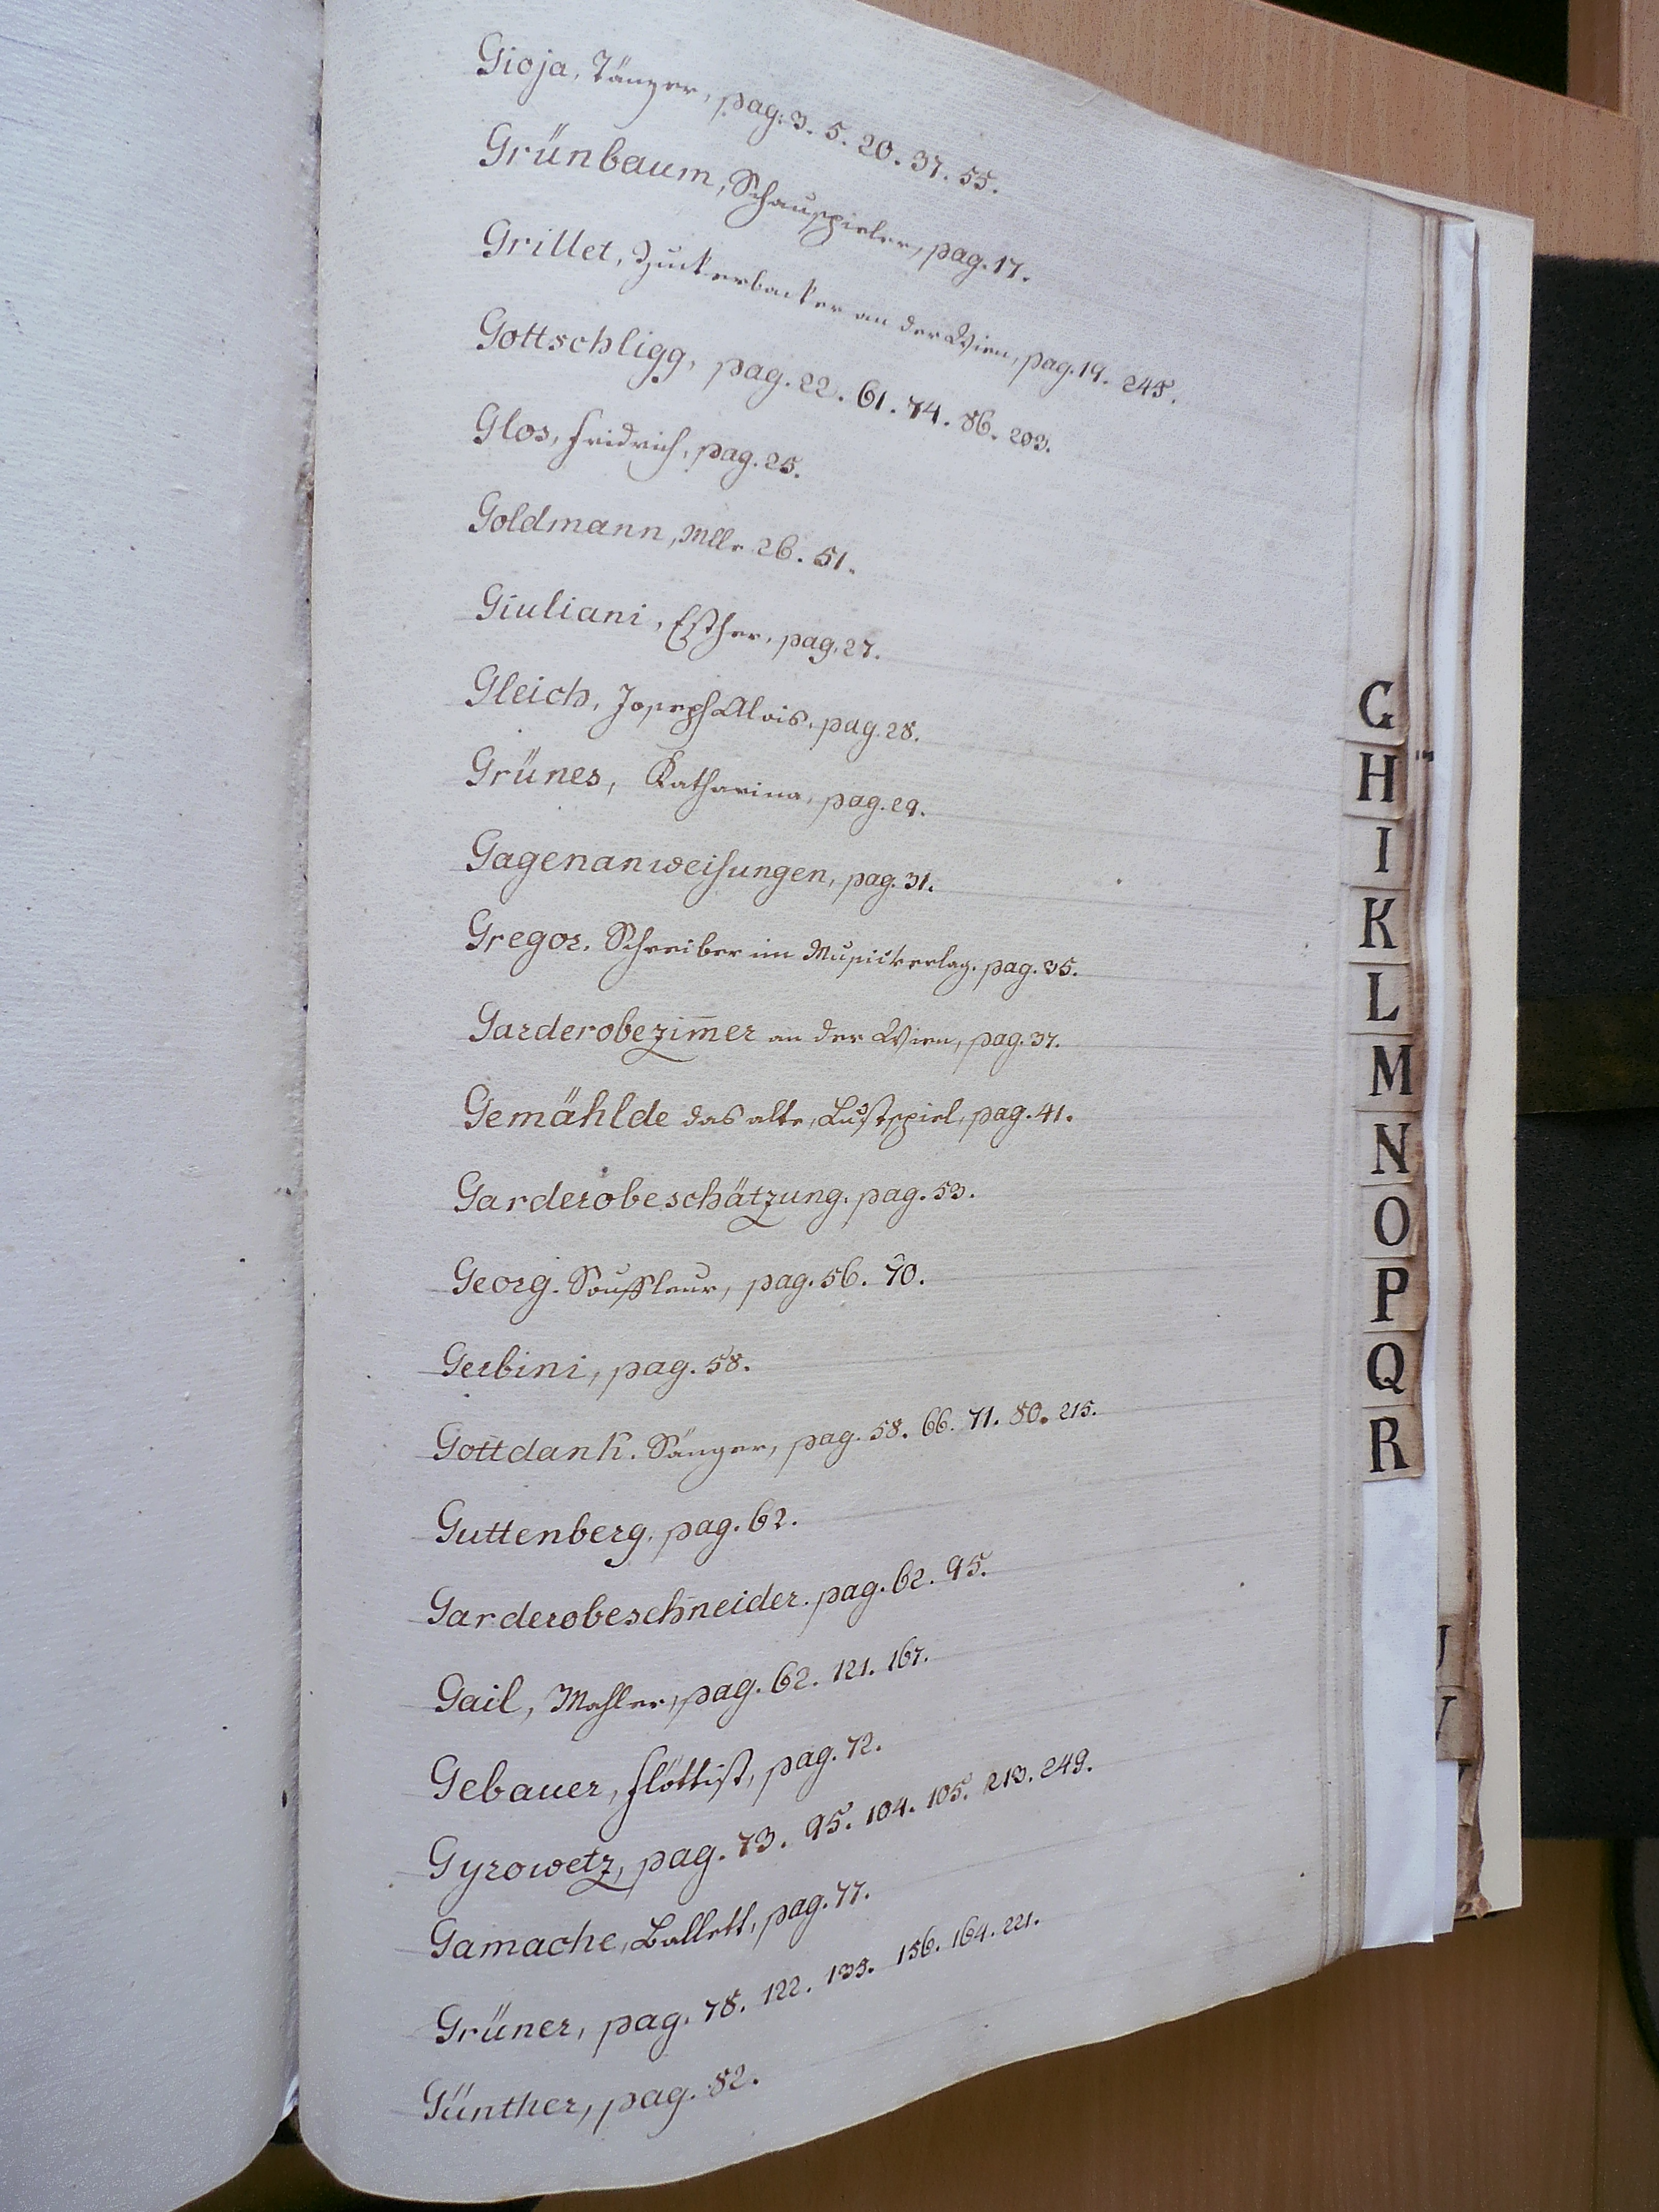G
Gioja, Tänzer, pag. 3. 5. 20. 37. 55.
Grünbaum, Schauspieler, pag. 17.
Grillet, Zuckerbacker an der Wien, pag. 19. 245.
Gottschligg, pag. 22. 61. 74. 86. 203.
Glos, Fridrich, pag. 25.
Goldmann, Mlle 26. 51.
Giuliani, Esther, pag. 27.
Gleich, Joseph Alois, pag. 28.
Grünes, Katharina, pag. 29.
Gagenanweisungen, pag. 31.
Gregor, Schreiber im Musicverlag. pag. 35.
Garderobezim̅er an der Wien, pag. 37.
Gemählde das alte, Lustspiel, pag. 41.
Garderobeschätzung. pag. 53.
Georg. Souffleur, pag. 56. 70.
Gerbini, pag. 58.
Gottdank. Sänger, pag. 58. 66. 71. 80. 215.
Guttenberg, pag. 62.
Garderobeschneider. pag. 62. 95.
Gail, Mahler, pag. 62. 121. 167.
Gebauer, Flöttist, pag. 72.
Gyrowetz, pag. 73. 95. 104. 105. 213. 249.
Gamache, Ballett, pag. 77.
Grüner, pag. 78. 122. 135. 156. 164. 221.
Günther, pag. 82.